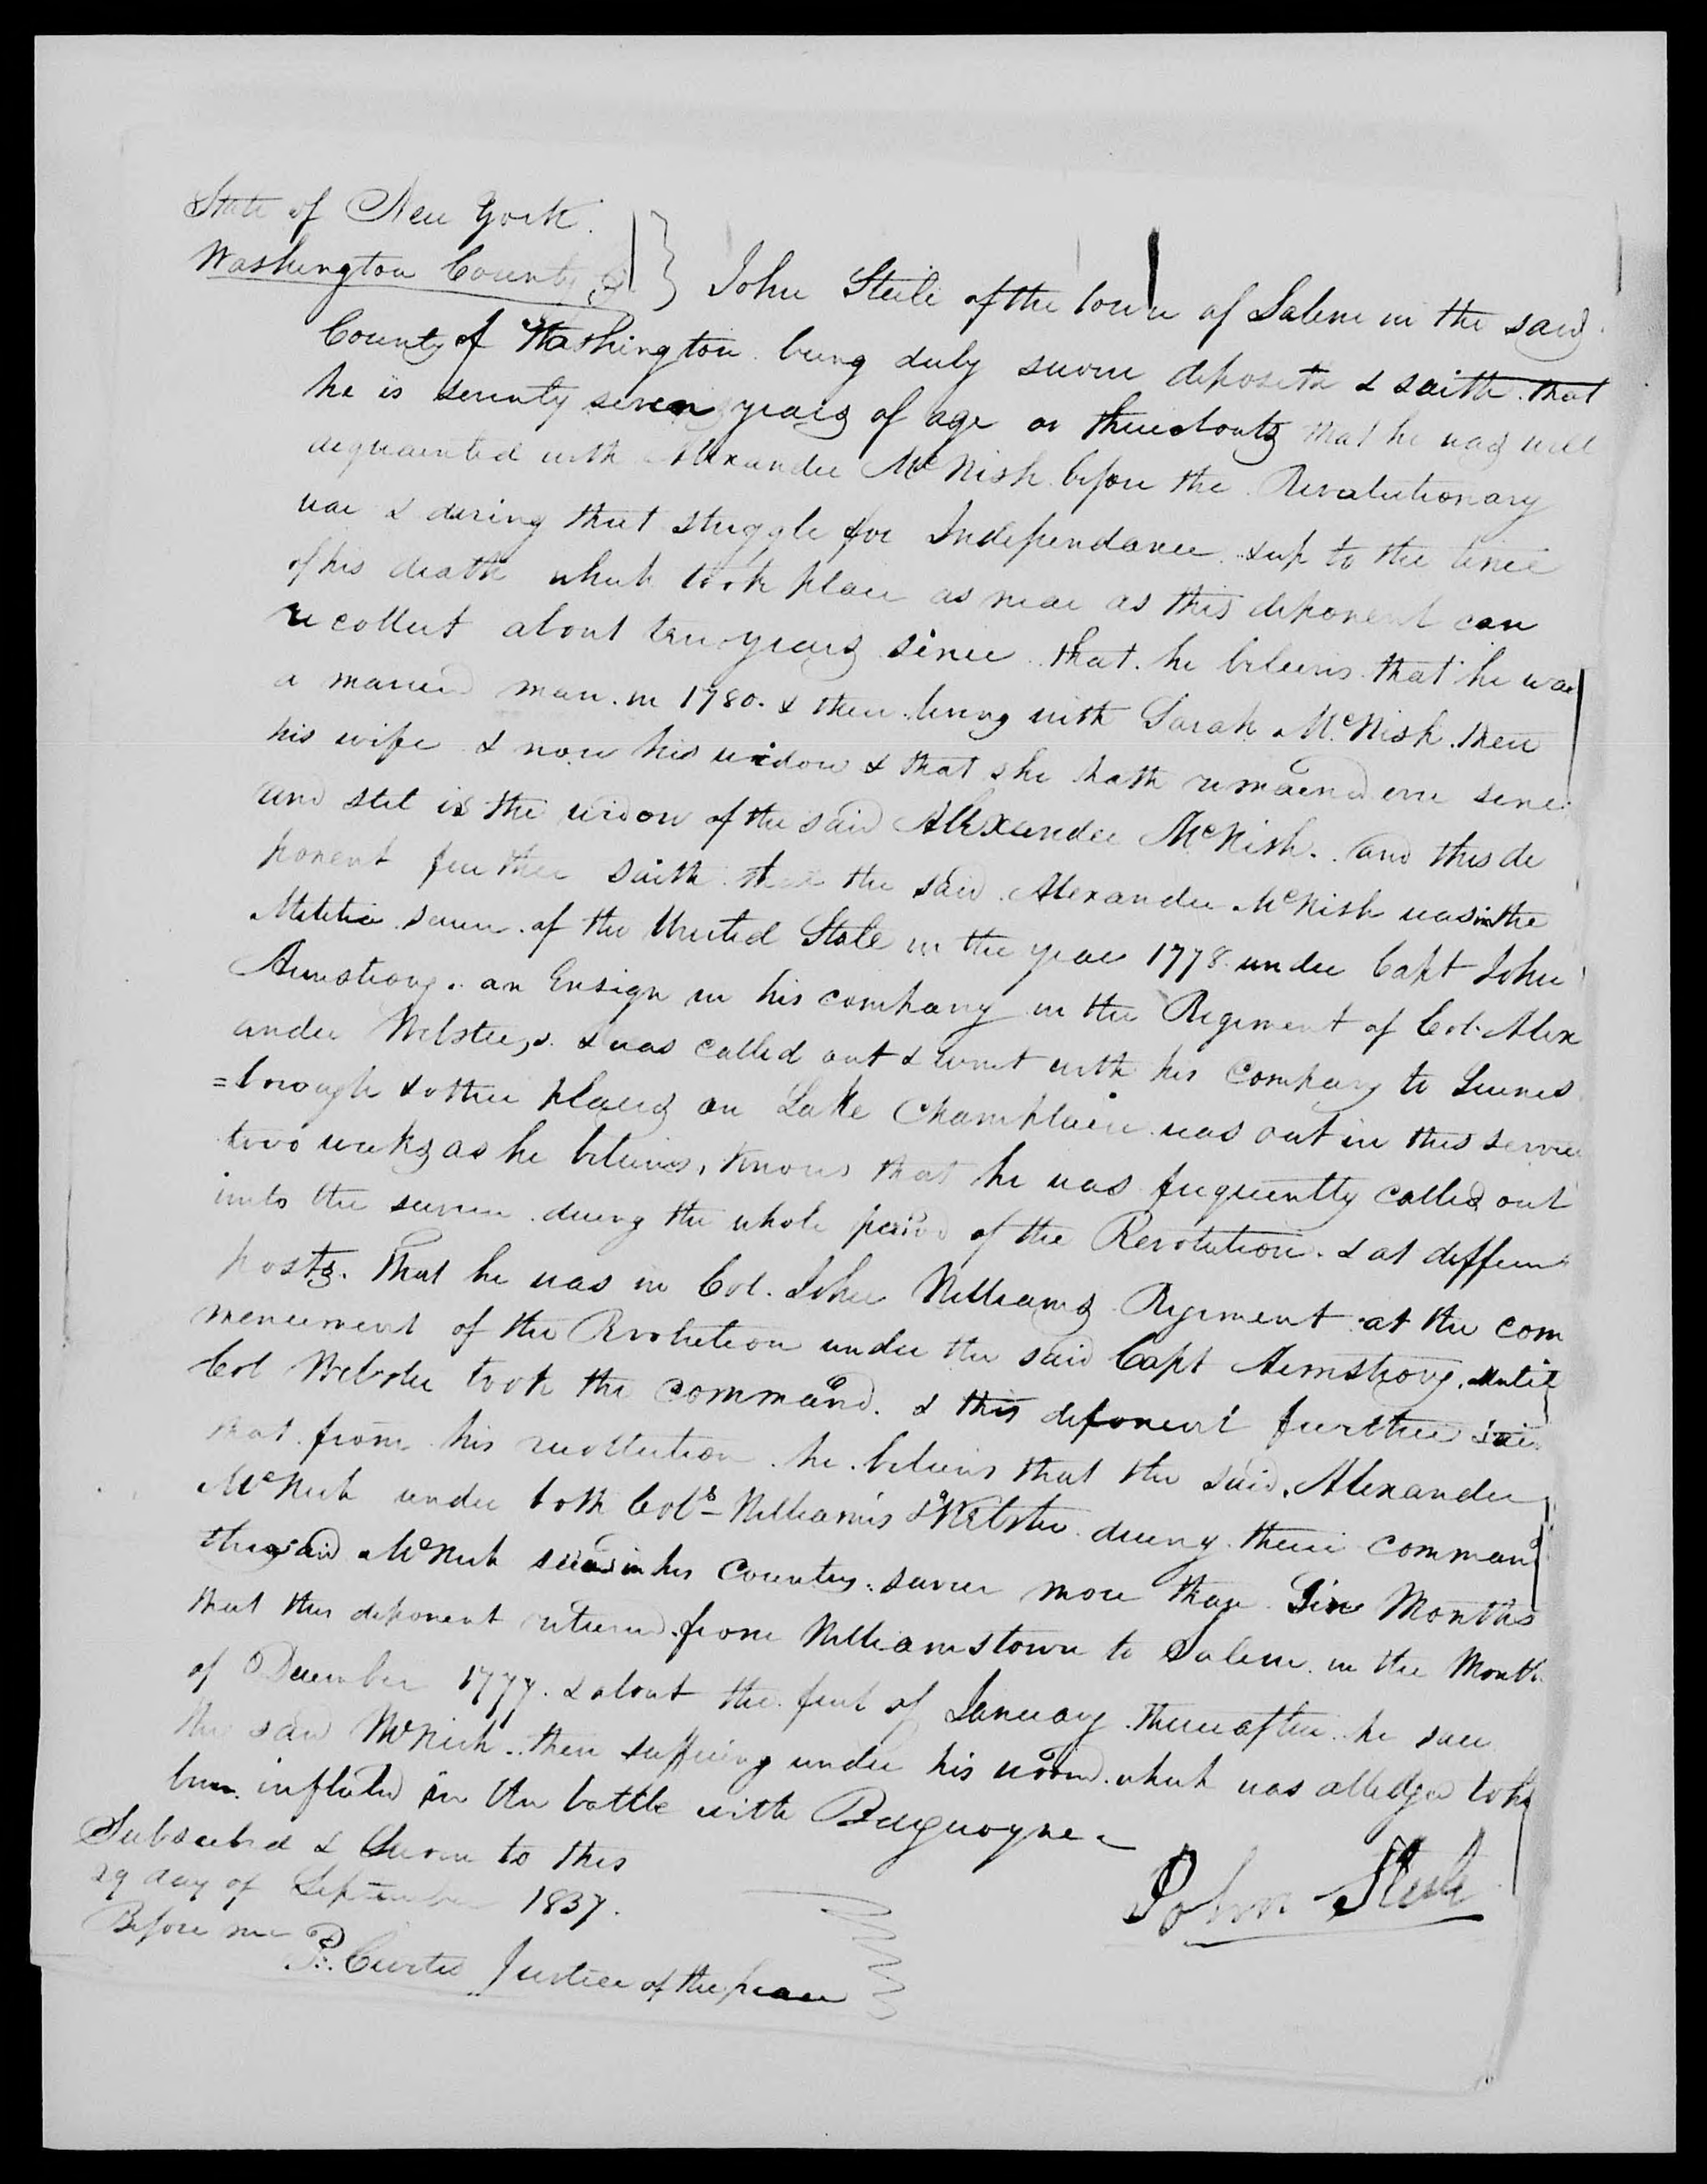State of New York 
Washington County ss} John Stule of the town of Salem in the said County of Washington being duly sworn and saith that he is seventy seven years of age or thereabouts that he was well acquainted with Alexander McNish before the Revolutionary war and during that struggle for Independence and up to the time of his death which took place as near as this deponent can recollect about two years since. That he believes that he was a married man m 1780 and then living with Sarah McNish then his wife and now his widow and that she hath remained ere since and still is the widow of the said Alexander McNish. And this deponent further saith that the said Alexander McNish was in the militia source of the United States in the year 1778 under Capt. John Armstrong an  Ensign in his company in the Regiment of Col. Alexander Mcstyle and was called out and went with his company to Lanesborough and other places on Lake Champlain was out in this service two weeks as he believes, knows that he was frequently called out into the service during the whole period of the Revolution and at different posts. That he was in Col. John Williams regiment at the commencement of the Revolution under the said Capt. Armstrong until Col. Webber took the command and this deponent further saith not. From his recollection he believes that the said Alexander McNish under both Col. Williams and Webber during their command the said McNish was in his country served more than six months. That this deponent returned from Nathanstown to Salem in the month of December 1777 and about the first of January thereafter. He saw the said McNish then suffering under his wound which was alleged to have been inflicted in the battle with Burgoyne. 
John Stule

Subscribed and sworn to this 
29 day of September 1837
Before me P. Curtis Justice of the Peace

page: 13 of 42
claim: widow's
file: W. 23,937 S. 28094, for Alexander Mc Nish, New York